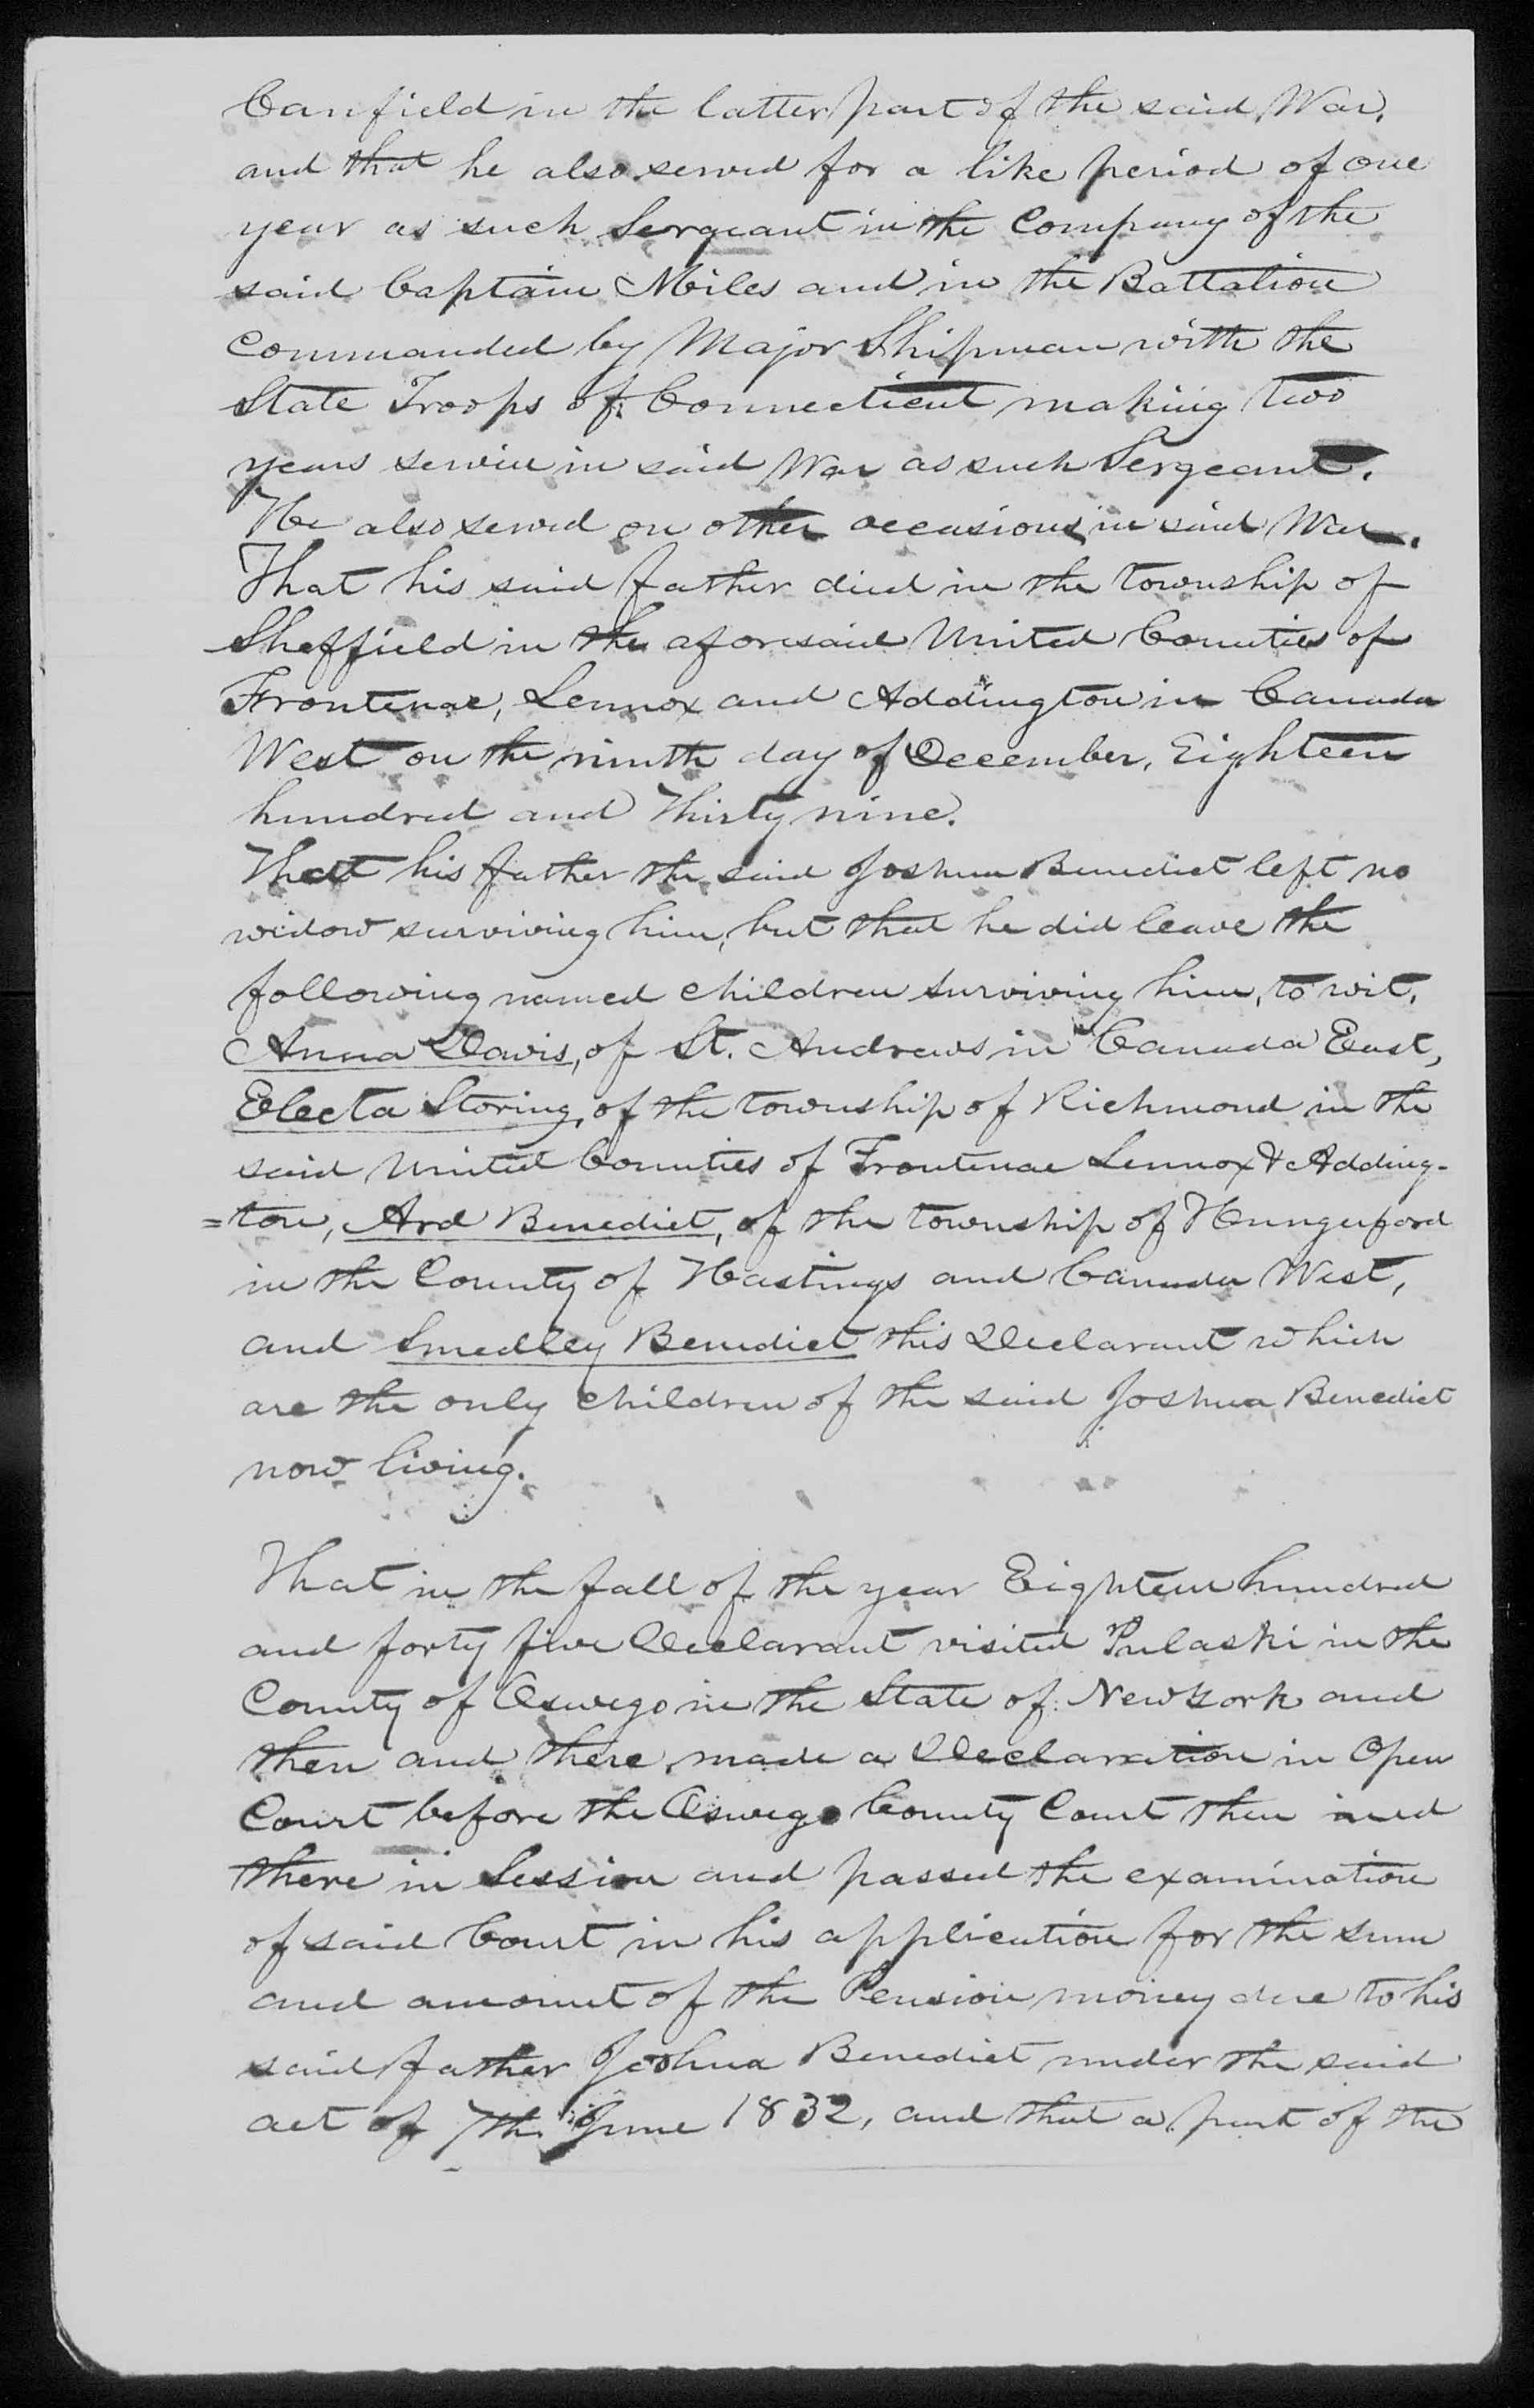Canfield in the latter part of the said War, and that he also served for a like period of one year as such Sergeant in the Company of the said Captain Miles and in the Battalion Commanded by Major Shipman with the State Troops of Connecticut making two years service in said War as such Sergeant. He also served on other occasions in said War. That his said father died in the township of Sheffield in the aforesaid United Counties of Frontenac, Lennox and Addington in Canada West on the ninth day of December, Eighteen hundred and thirty nine.
That his father the said Joshua Benedict left no widow surviving him, but that he did leave the following named children surviving him, to wit, Anna Davis, of St. Andrews in Canada East, Electa Storing, of the township of Richmond in the said United Counties of Frontenac Lennox & Addington, Ard Benedict, of the township of Hungerford in the County of Hastings and Canada West, and Smedley Benedict this Declarant which are the only children of the said Joshua Benedict now living.
That in the fall of the year Eighteen hundred and forty five Declarant visited Pulaski in the County of Oswego in the State of New York and then and there made a Declaration in Open Court before the Oswego County Court then and there in Session and passed the examination of said Court in his application for the sum and amount of the Pension money due to his said father Joshua Benedict under the said act of 7th June 1832, and that as part of the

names: Ard Benedict, Anna Davis, Joshua Benedict, Joshua Benedict, Joshua Benedict, Electa Storing, Smedley Benedict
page: 26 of 106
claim: survivor's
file: S 23,116., Joshua Benedict, Conn.